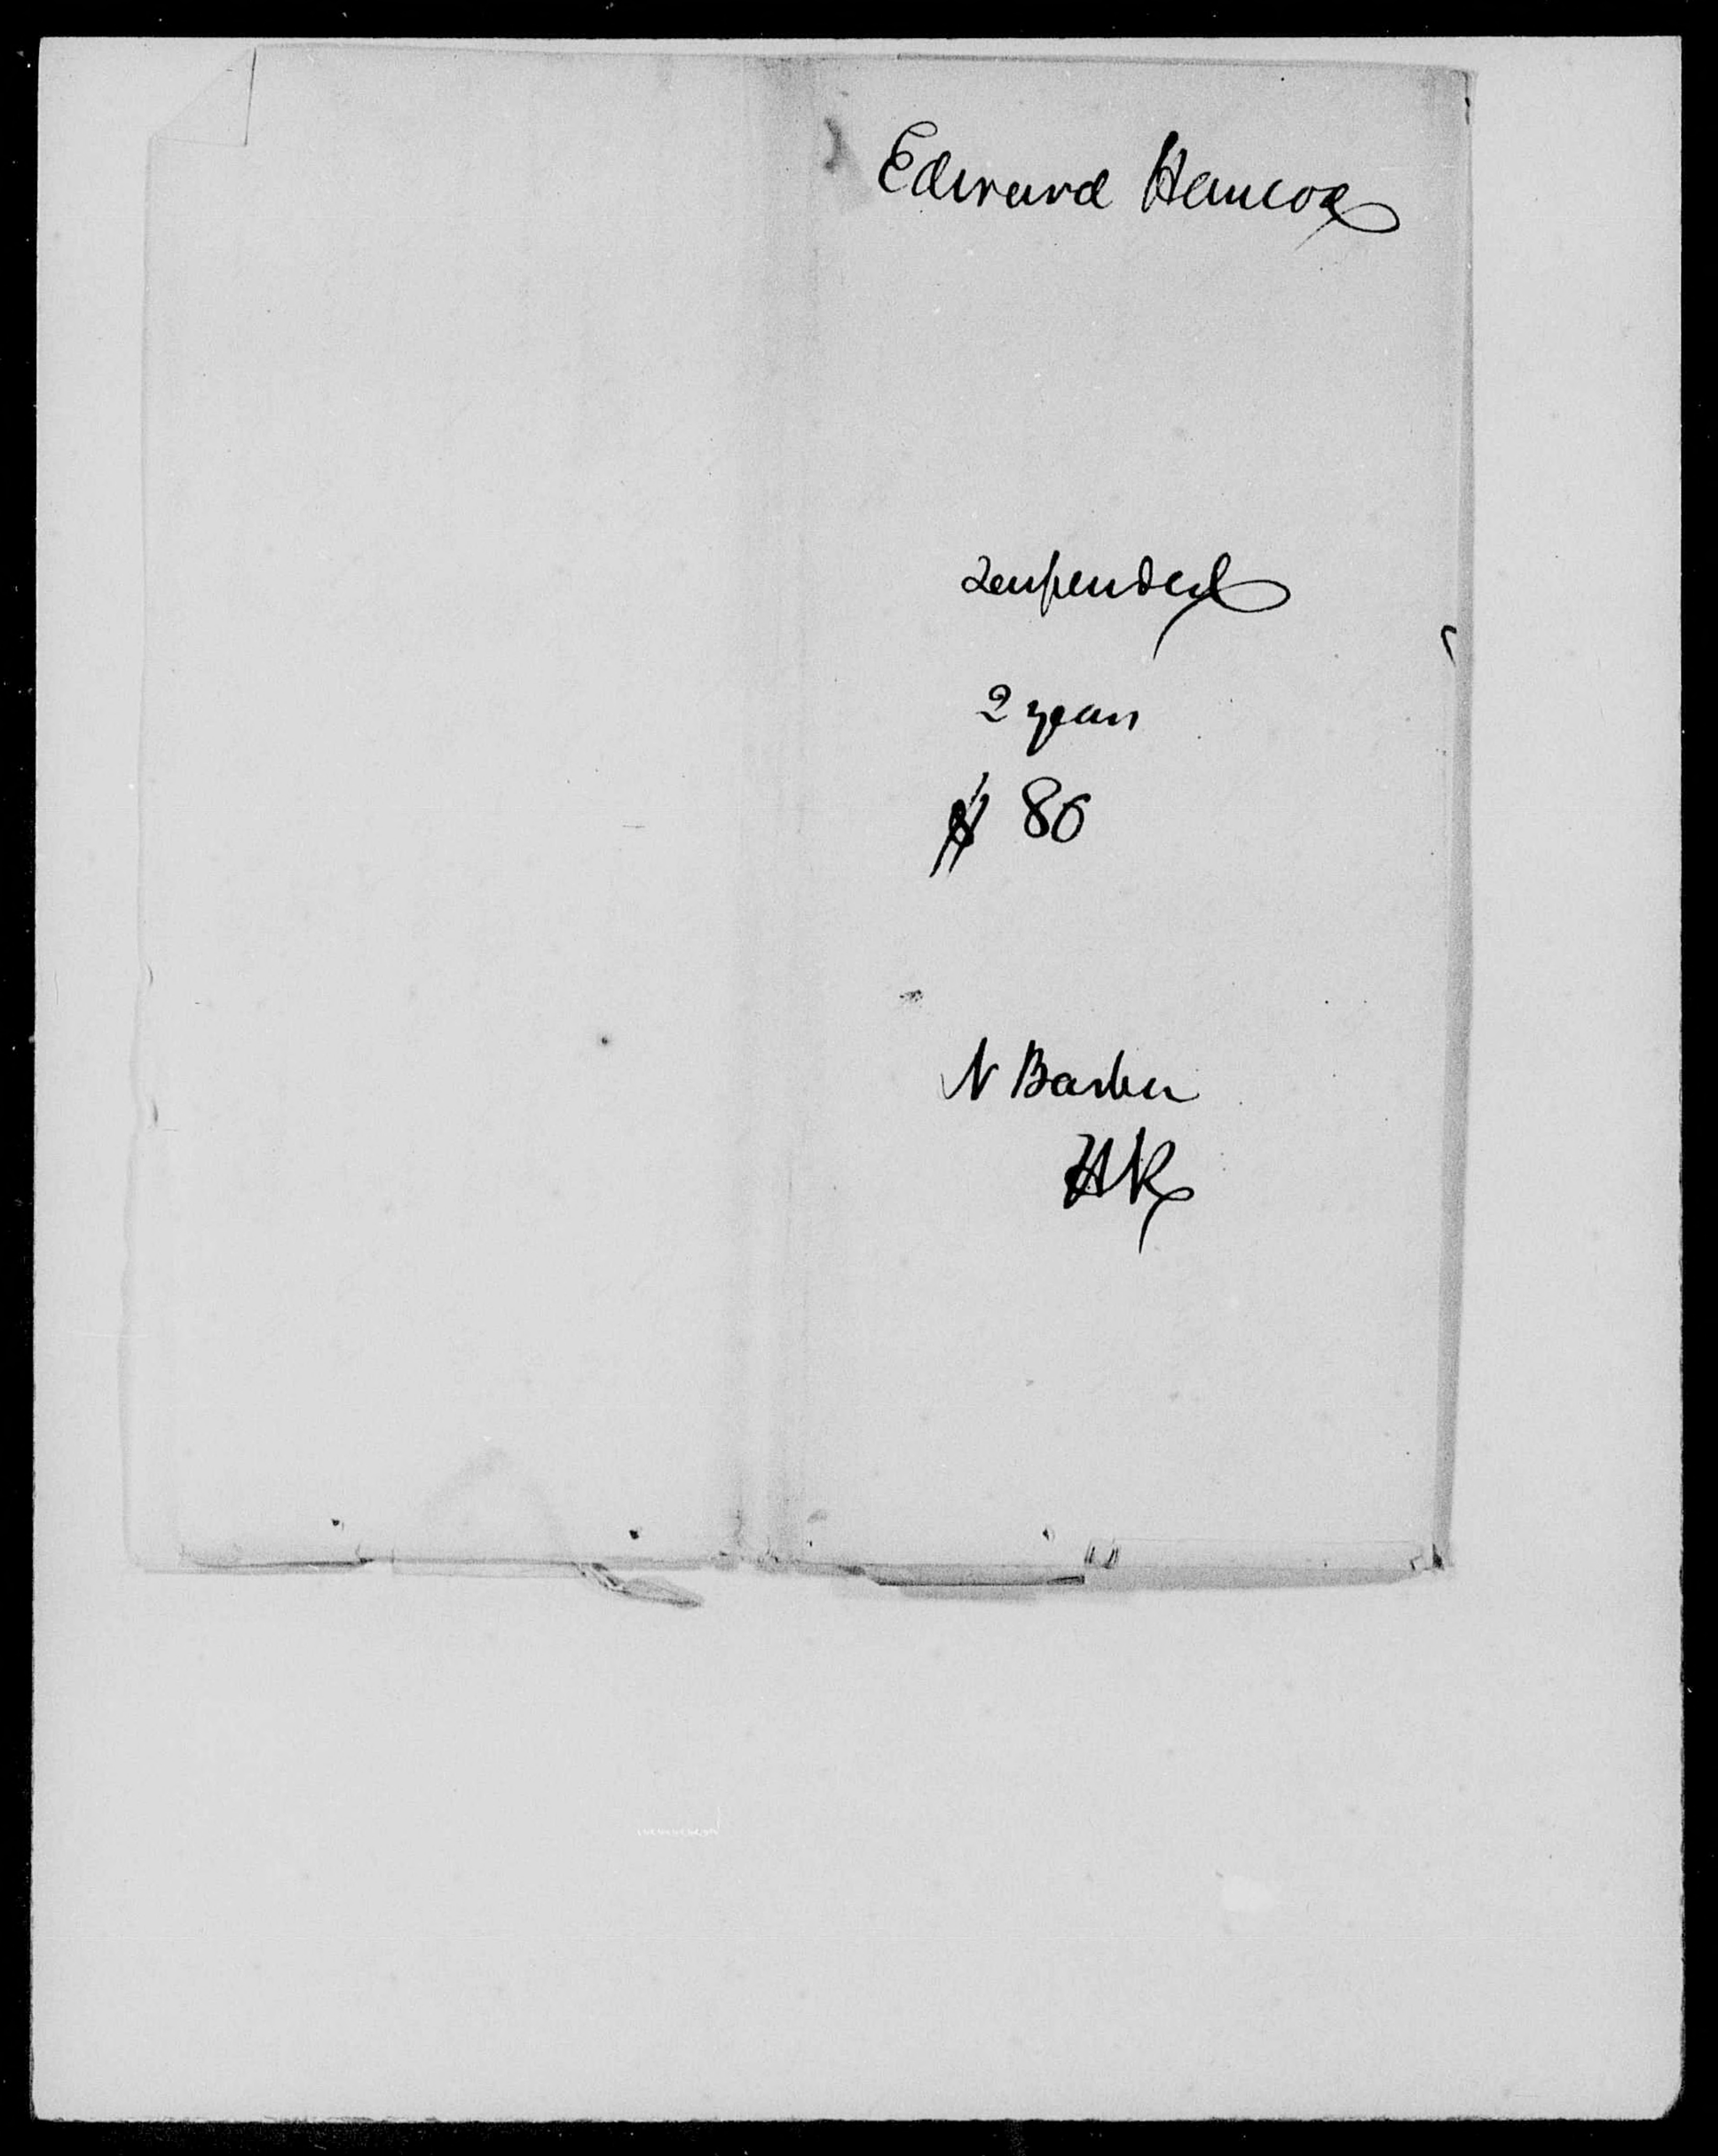Edward Hancox

[illegible]

2 years
$80

N. Barber
HK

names: Edward Hancox, N Barber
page: 13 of 26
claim: survivor's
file: S. 16843, Edward Hancox, Conn.